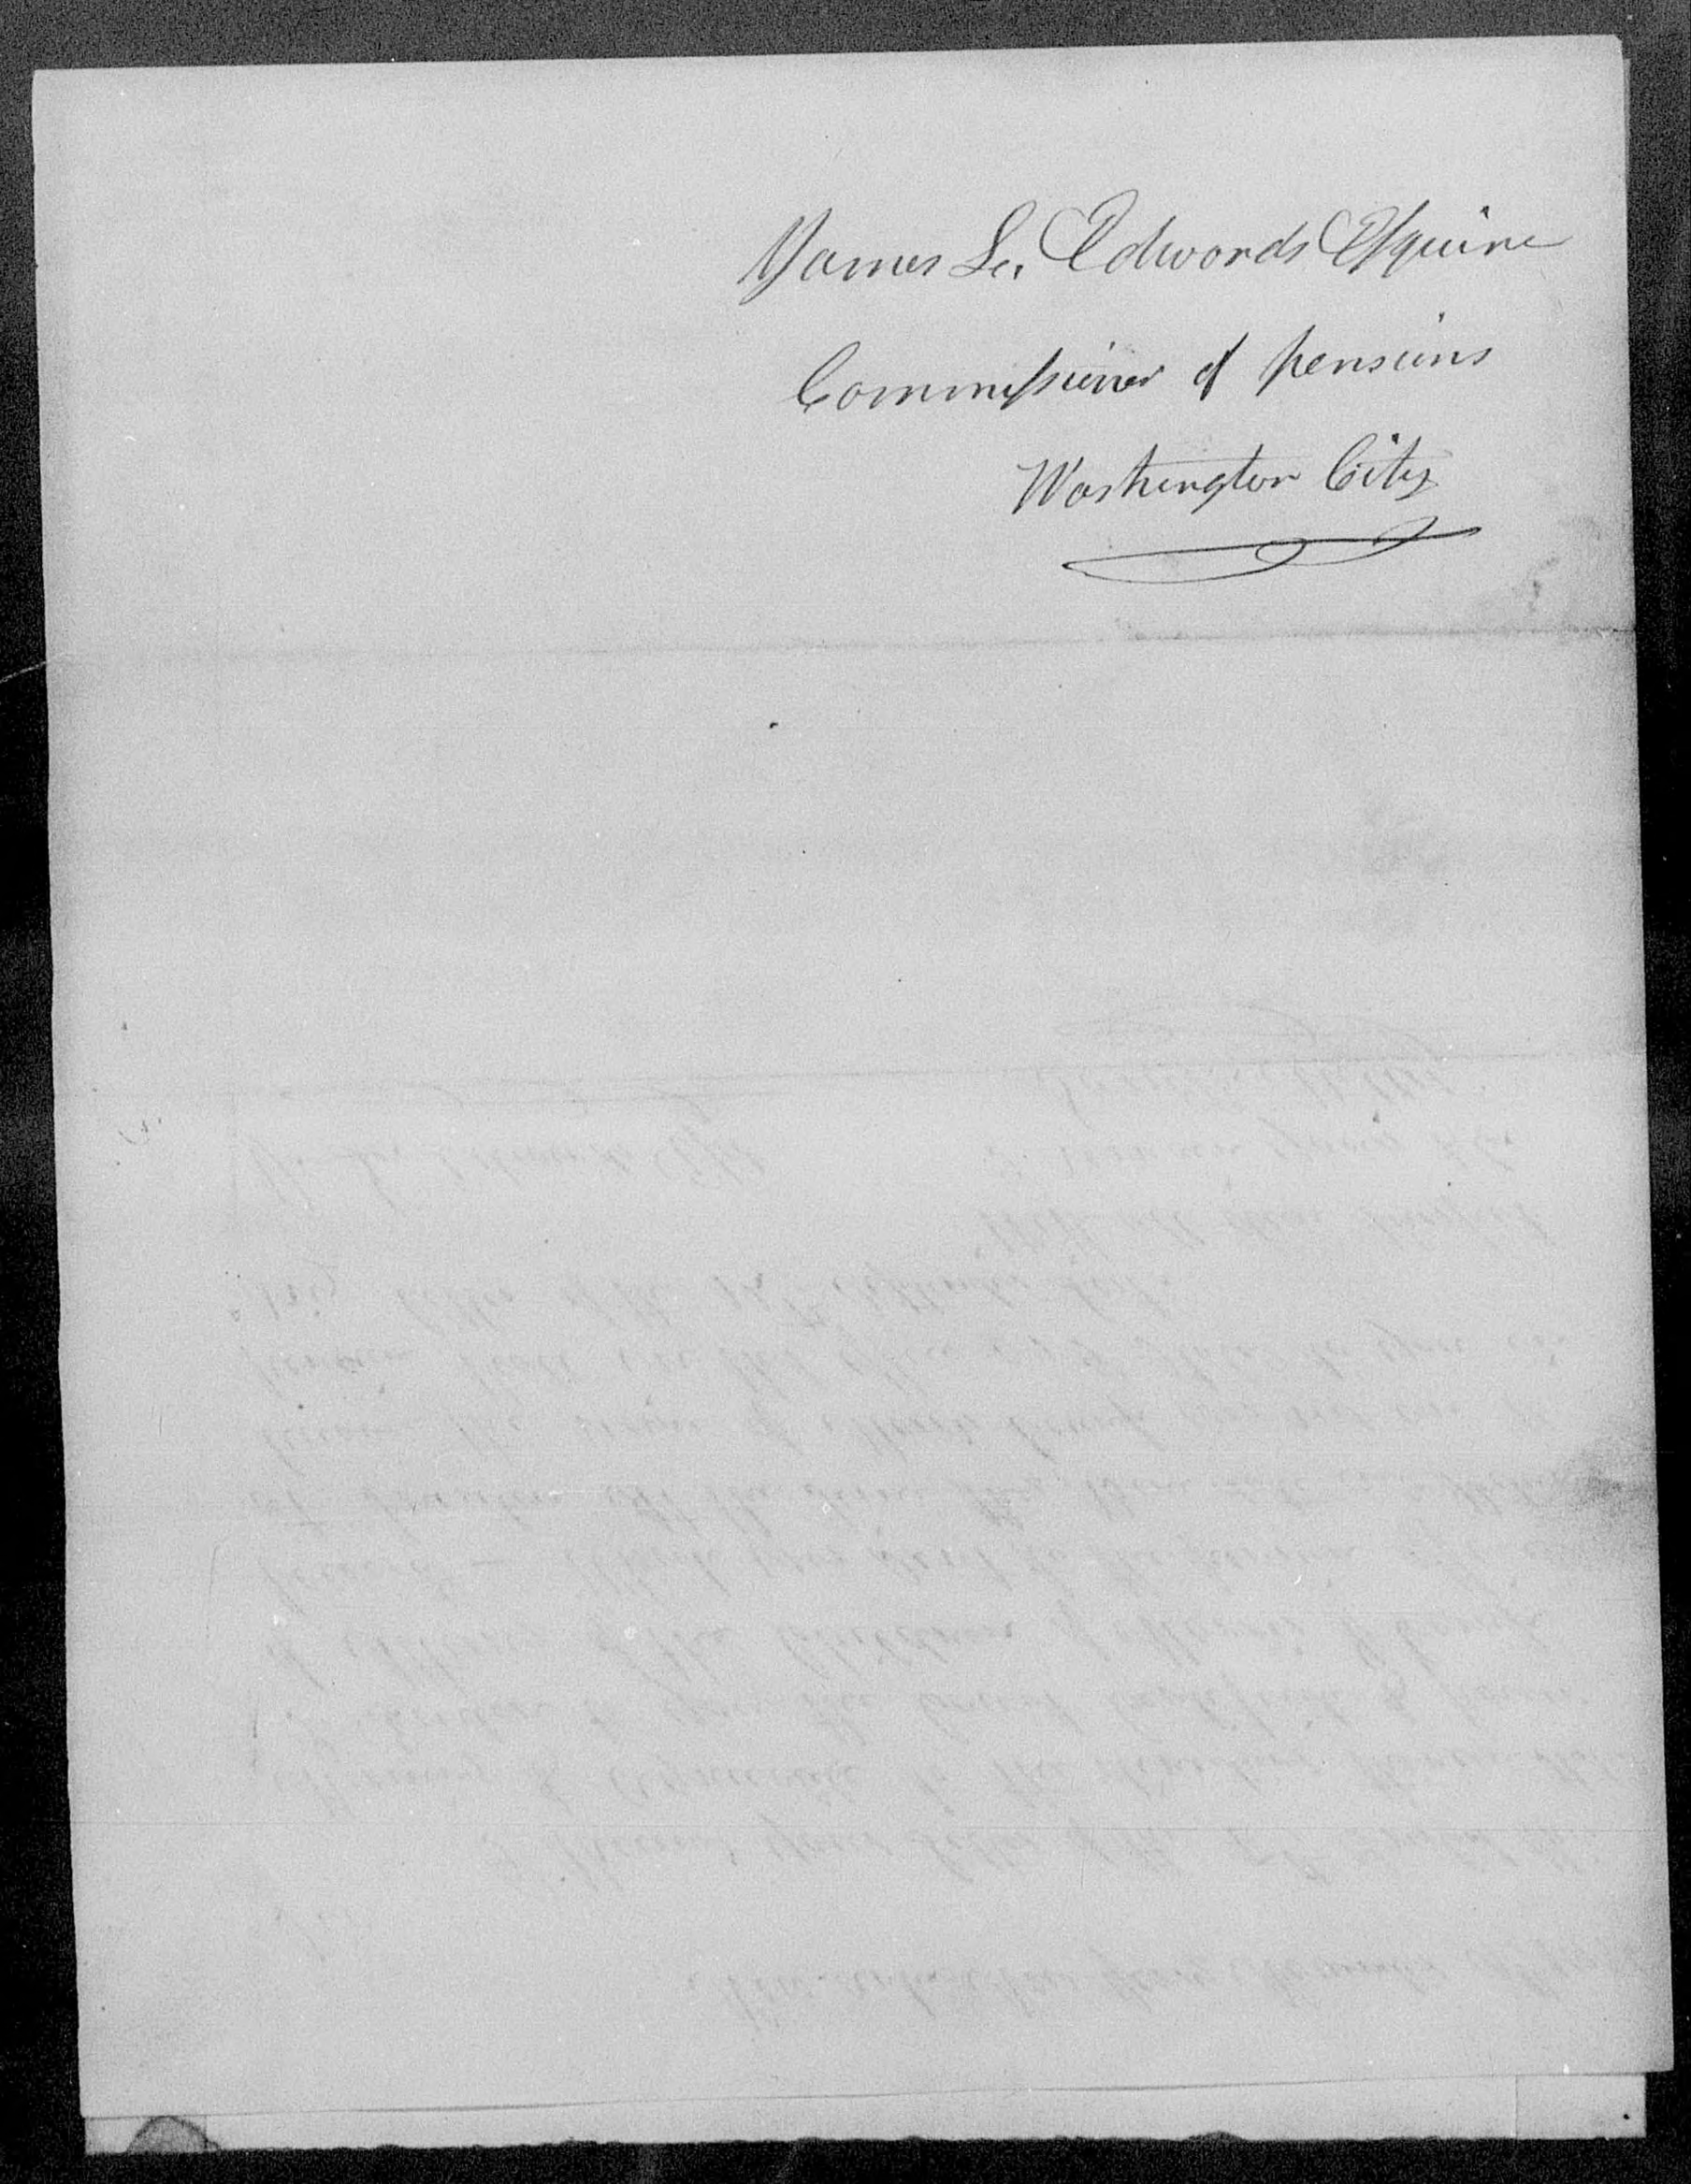James L. Edwards
Commissioner of Pensions
Washington City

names: James L Edwards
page: 26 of 52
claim: survivor's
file: S. 34172, Morris D Camp, Continental (New Jersey)